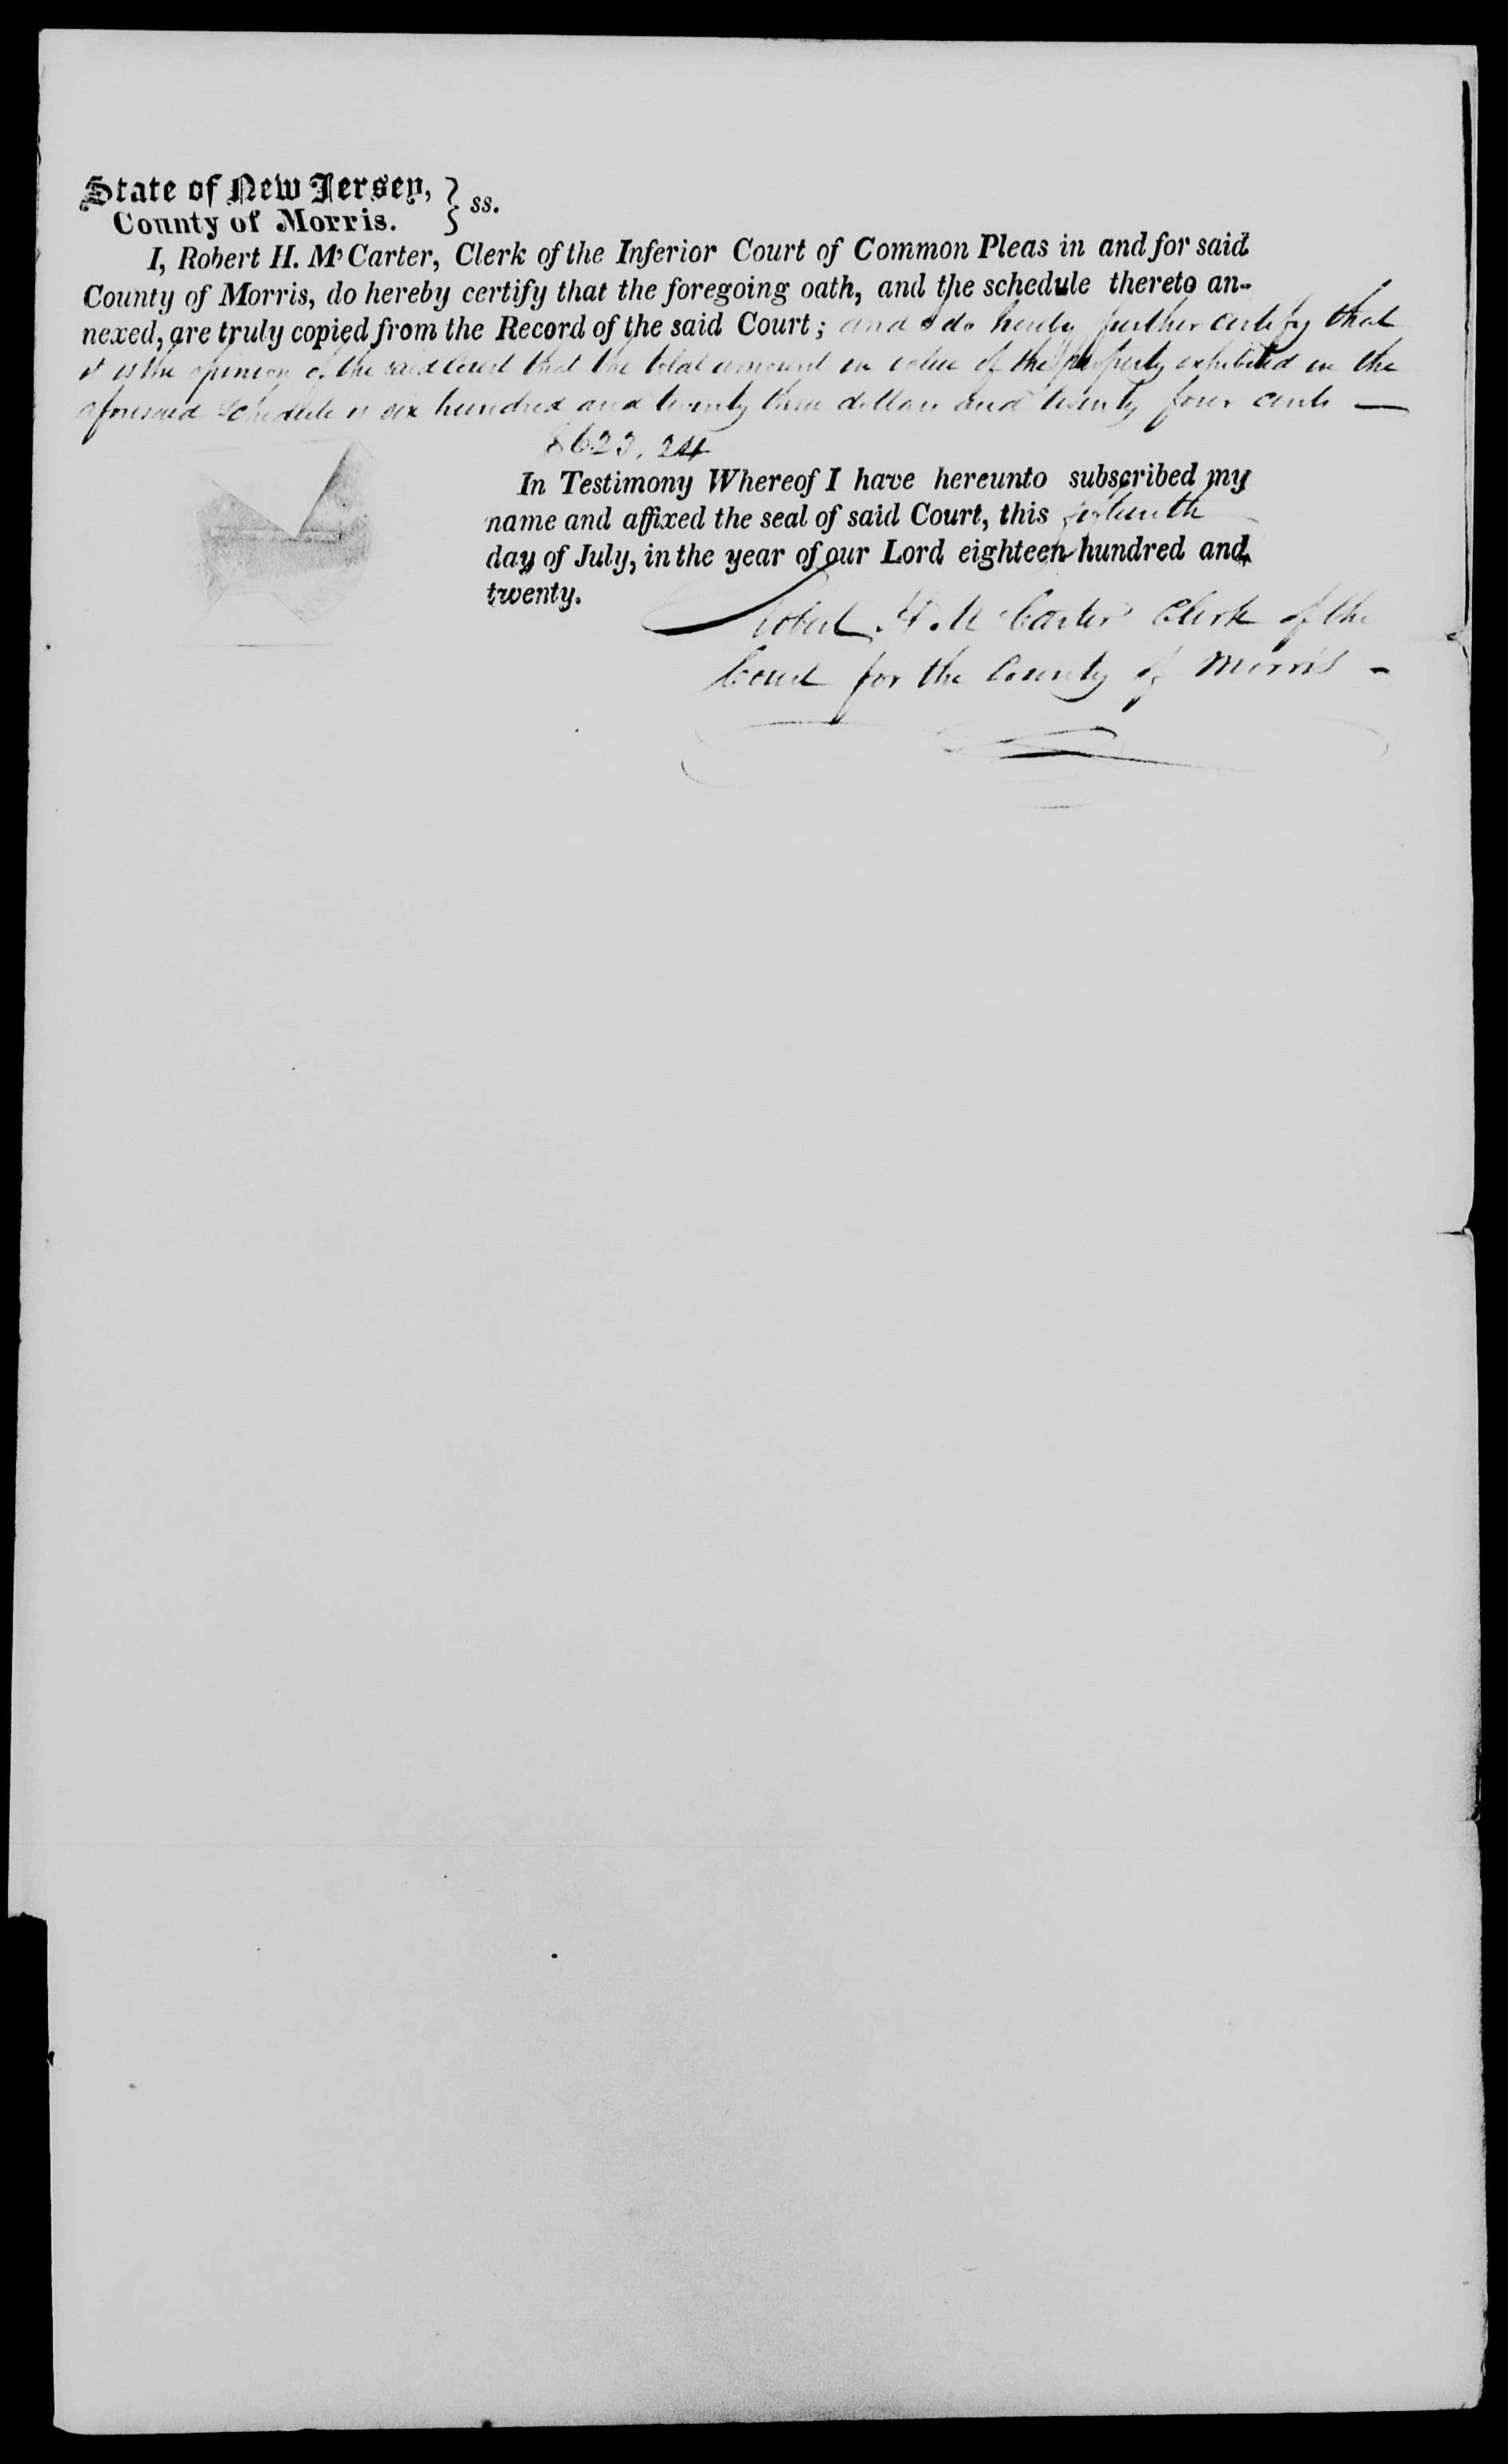State of New Jersey,
County of Morris.  } SS.
I, Robert H. McCarter, Clerk of the Inferior Court of Common Pleas in and for said County of Morris, do hereby certify that the foregoing oath, and the schedule thereto annexed, are truly copied from the Record of the said Court; and I do hereby further certify that it is the opinion of the said Court that the total amount in value of the property exhibited in the aforesaid Schedule is six hundred and twenty three dollars and twenty four cents--
8623.24.

In Testimony Whereof I have hereunto subscribed my name and affixed the seal of said Court, this fifteenth day of July, in the year of our Lord eighteen hundred and 
twenty.
Robert H. McCarter Clerk of the
Court for the County of Morris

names: Robert H Mc Carter, Robert H Mc Carter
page: 10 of 27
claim: survivor's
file: S. 34,094, Ezra Brown, New Jersey